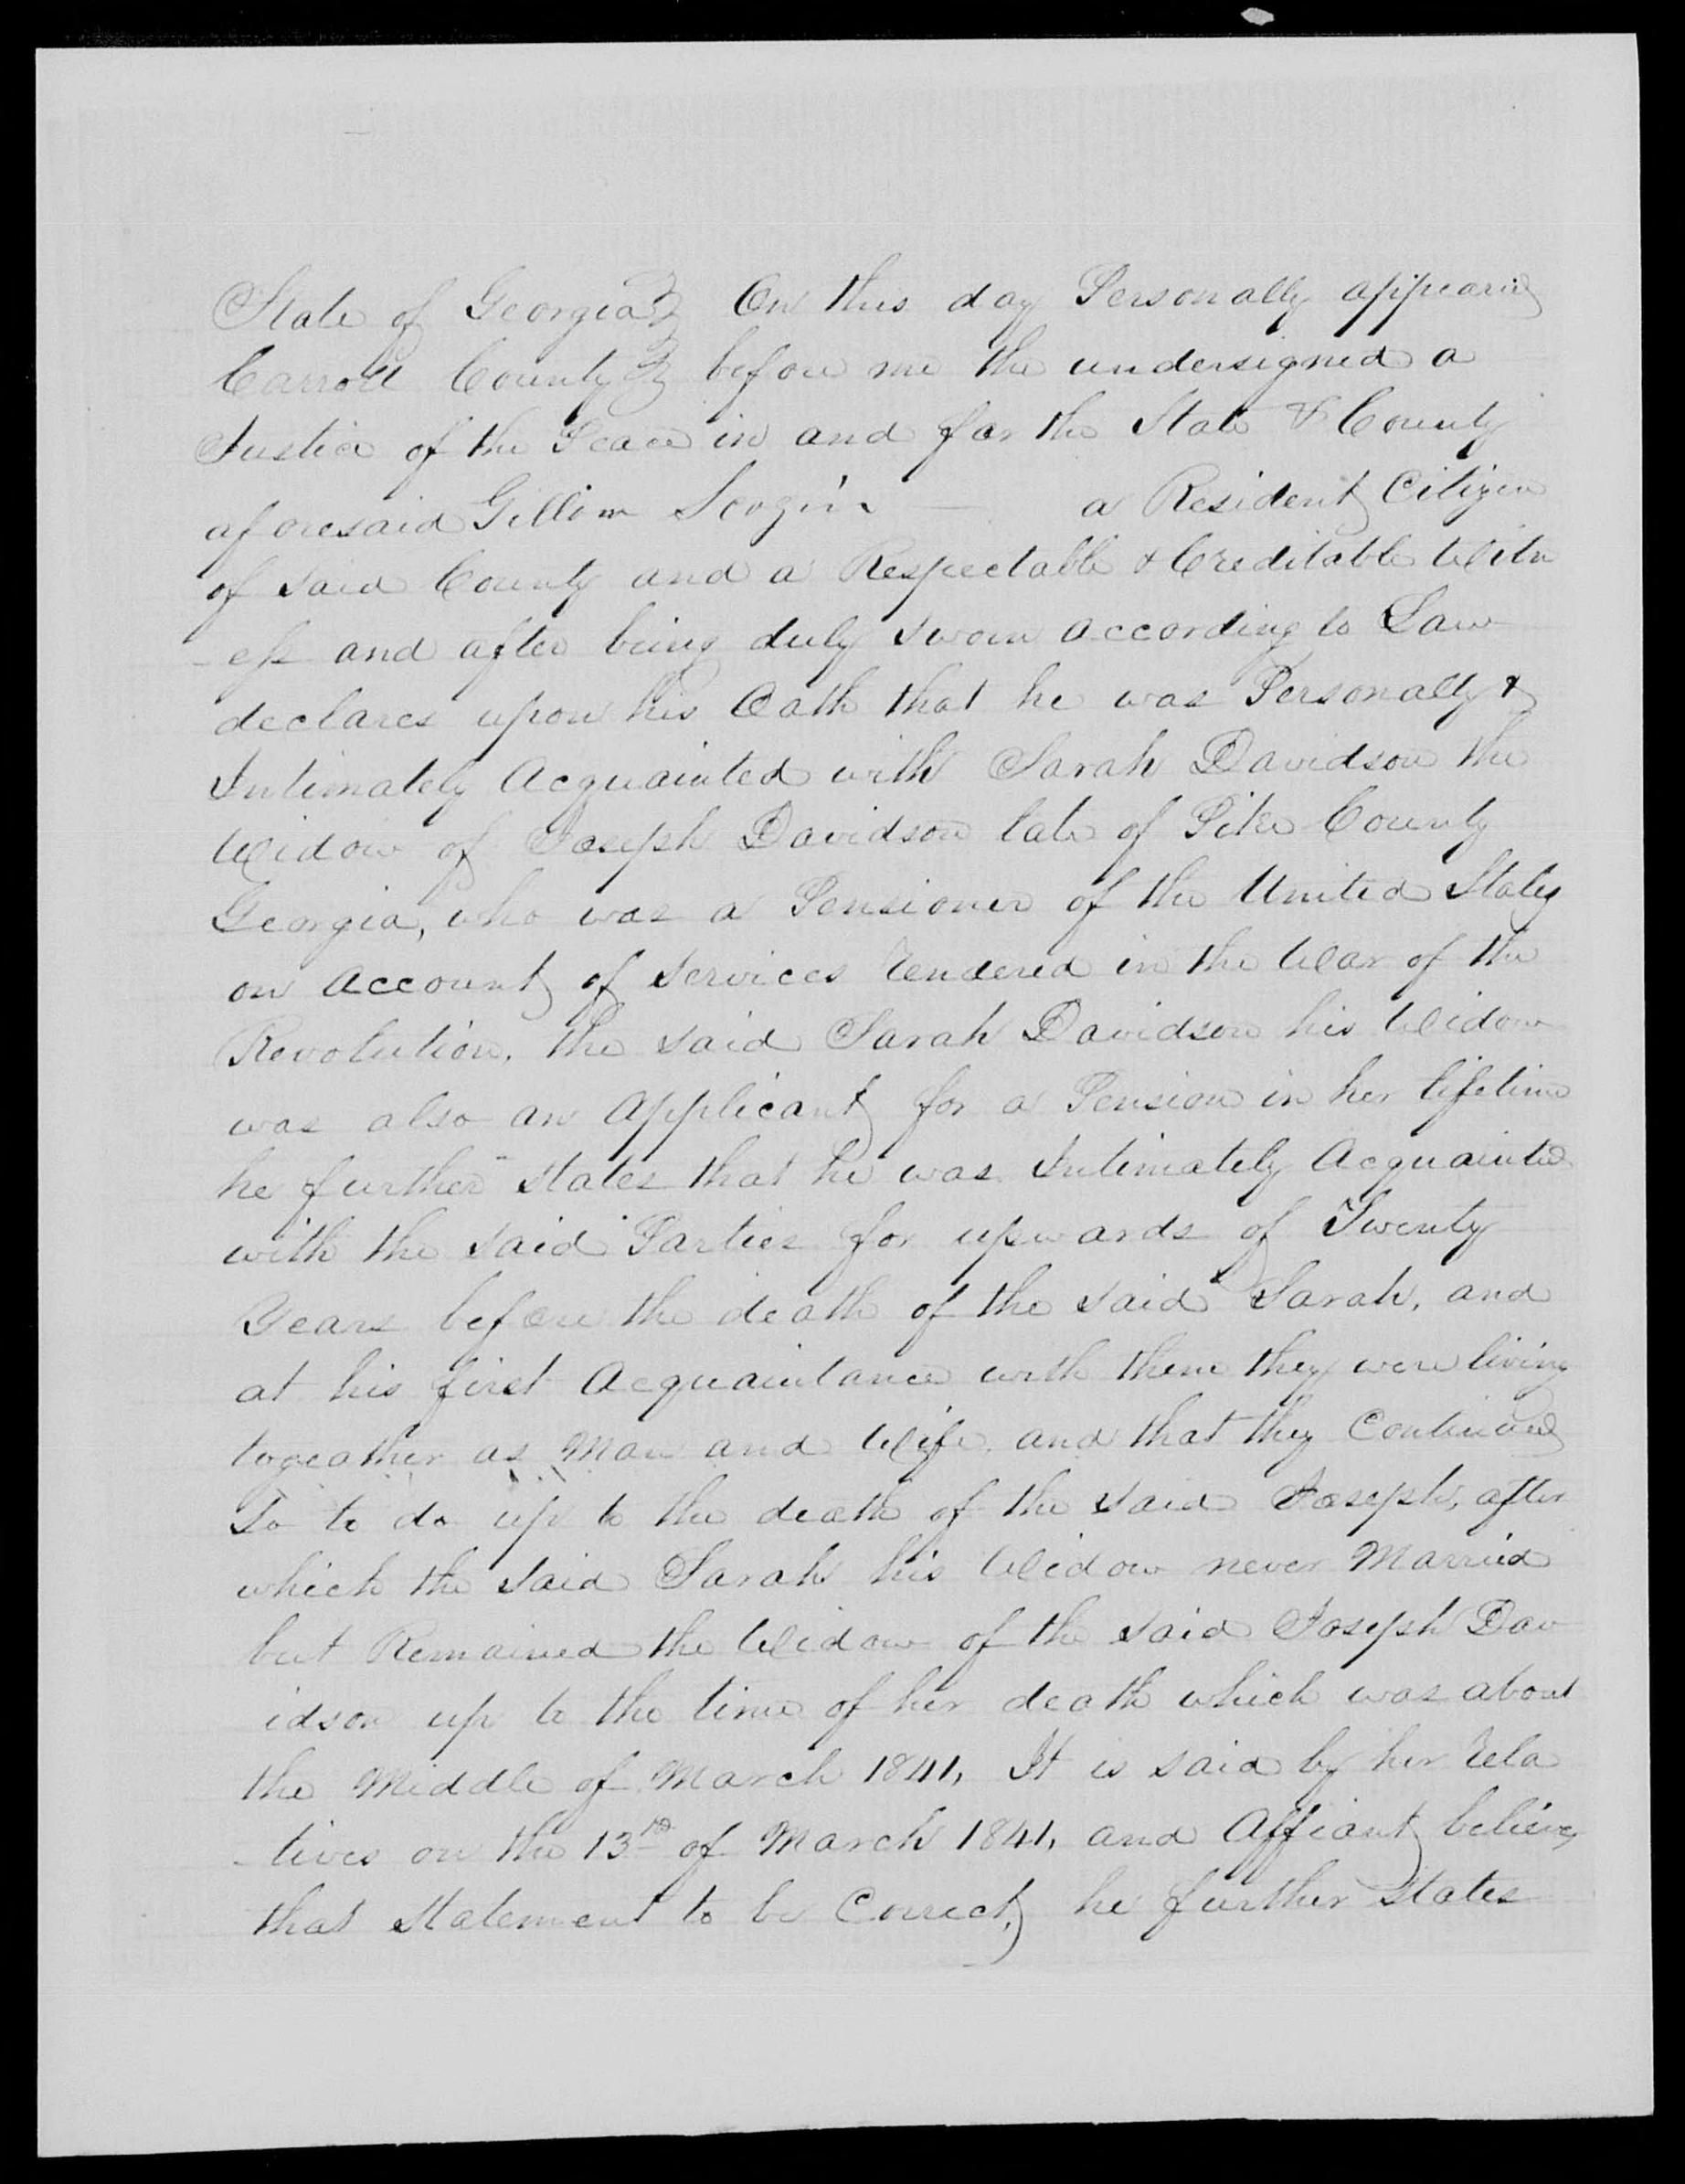State of Georgia ⎬ On this day personally appeared
Carroll County ⎬ before me the undersigned a
Justice of the Peace in and for the State & County
aforesaid Gillon Scoggin a resident Citizen of said County and a Respectable & Creditable the witness and after being duly sworn according to Law declares upon his oath that he was personally & Intimately acquainted with Sarah Davidson the
widow of Joseph Davidson late of Pike County Georgia, who was a Pensioner of the United States on account of services rendered in the year of the Revolution, the said Sarah Davidson his widow was also an applicant for a Pension in her lifetime he further states that he was intimately acquainted with the said parties for upwards of Twenty years before the death of the said Sarah, and at his first acquaintance with then they were living together as man and wife, and that they continued so to do up to the death of the said Joseph, after
which the said Sarah his widow never married but remained the widow of the said Joseph Davidson up to the time of her death which was about the middle of March 1841, It is said by her relalives on the 13th of March 1841, and affiant believe
that statement to be correct, he further States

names: Joseph Davidson, Gillom Scogin, Sarah Davidson, Joseph, Sarah, Joseph Davidson, Sarah Davidson, Sarah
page: 42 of 63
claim: widow's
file: W. 4175, Joseph Davidson, N.C.